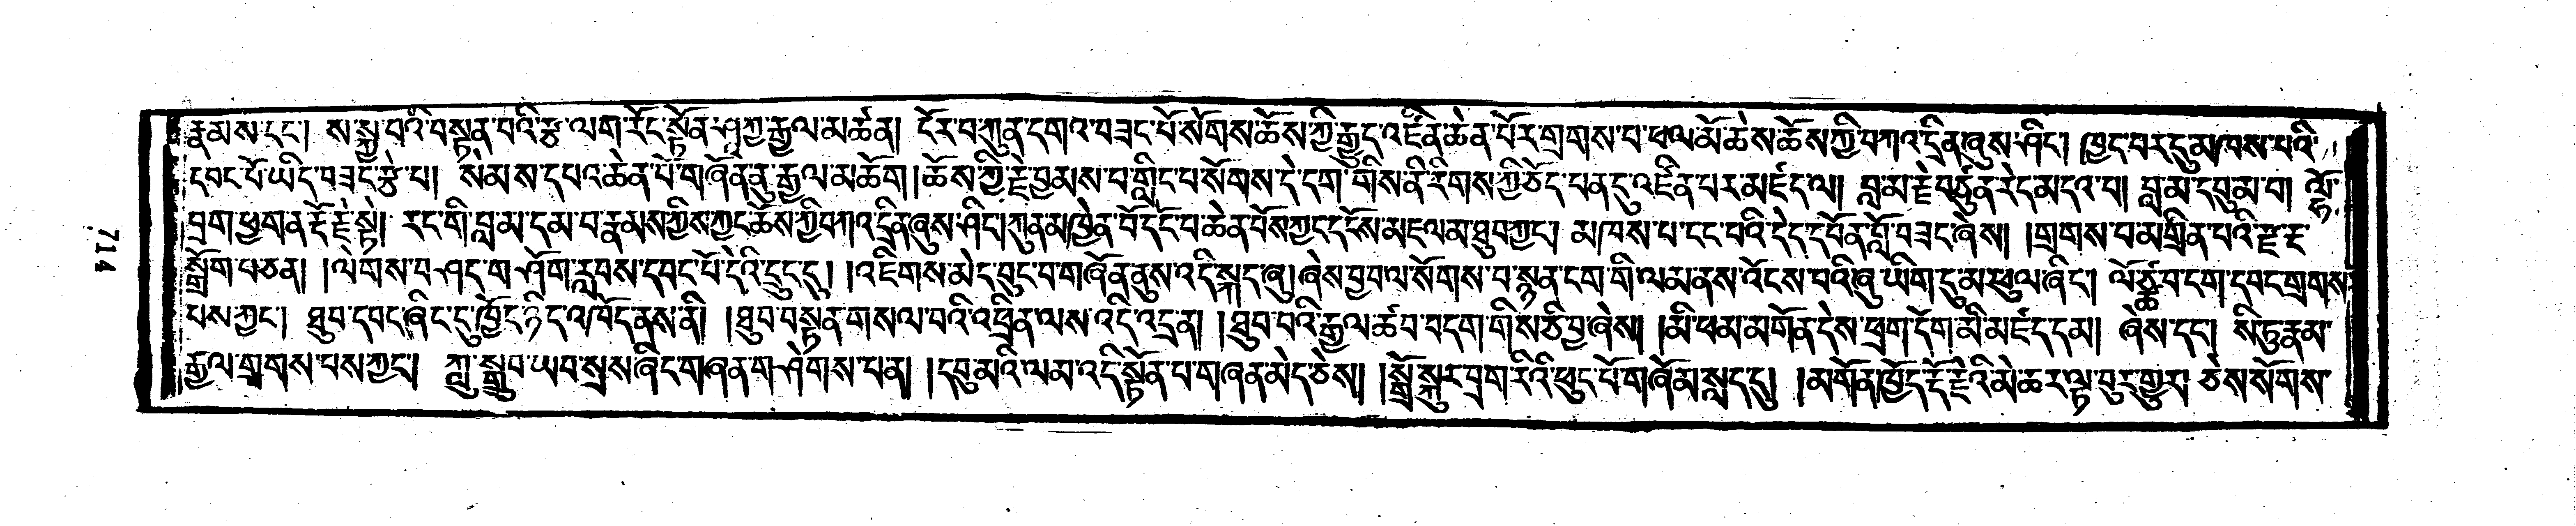རྣམས་དང་། ས་སྐྱ་པའི་བསྟན་པའི་རྩ་ལག་རོང་སྟོན་ཤཱཀྱ་རྒྱལ་མཚན། ངོར་པ་ཀུན་དགའ་བཟང་པོ་སོགས་ཆོས་ཀྱི་རྒྱུད་འཛིན་ཆེན་པོར་གྲགས་པ་ཕལ་མོ་ཆེས་ཆོས་ཀྱི་བཀའ་དྲིན་ཞུས་ཤིང་། ཁྱད་པར་དུ་མཁས་པའི་
དབང་པོ་ཡིད་བཟང་རྩེ་པ། སེམས་དཔའ་ཆེན་པོ་གཞོན་ནུ་རྒྱལ་མཆོག །ཆོས་ཀྱི་རྗེ་བྱམས་པ་གླིང་པ་སོགས་དེ་དག་གིས་ནི་རིགས་ཀྱི་ཅོད་པན་དུ་འཛིན་པར་མཛད་ལ། བླ་མ་རྗེ་བཙུན་རེད་མདའ་བ། བླ་མ་དབུ་མ་པ། ལྷོ་
བྲག་ཕྱག་ན་རྡོ་རྗེ་སྟེ། རང་གི་བླ་མ་དམ་པ་རྣམས་ཀྱིས་ཀྱང་ཆོས་ཀྱི་བཀའ་དྲིན་ཞུས་ཤིང་། ཀུན་མཁྱེན་བོ་དོང་པ་ཆེན་པོས་ཀྱང་དངོས་མཇལ་མ་ཐུབ་ཀྱང་། མཁས་པ་ངང་པའི་དེད་དཔོན་བློ་བཟང་ཞེས། །གྲགས་པ་མགྲིན་པའི་རྫ་རྔ་
སྒྲོག་པ་ཅན། །ལེགས་བཤད་གཤོག་རླབས་དབང་པོ་དེའི་དྲུང་དུ། །འཇིགས་མེད་བུང་བ་གཞོན་ནུས་འདི་སྐད་ཞུ། ཞེས་བྱ་བ་ལ་སོགས་པ་སྙན་ངག་གི་ལམ་ནས་འོངས་པའི་ཞུ་ཡིག་དུ་མ་ཕུལ་ཞིང་། ལོ་ཙྪ་བ་ངག་དབང་གྲགས་
པས་ཀྱང་། ཐུབ་དབང་ཞིང་དུ་ཁྱོད་ཉིད་འཁོད་ནས་ནི། །ཐུབ་བསྟན་གསལ་བའི་འཕྲིན་ལས་འདི་འདྲ་ན། །ཐུབ་པའི་རྒྱལ་ཚབ་བདག་གིས་ཅི་བྱ་ཞེས། །མི་ཕམ་མགོན་དེས་ཕྲག་དོག་མི་མཛད་དམ། ཞེས་དང་། སི་ཏུ་རྣམ་
རྒྱལ་གྲགས་པས་ཀྱང་། །ཀླུ་སྒྲུབ་ཡབ་སྲས་ཞིང་གཞན་གཤེགས་པ་ན། །དབུ་མའི་ལམ་འདི་སྟོན་པ་གཞན་མེད་ཅེས། །སྒྲོ་སྐུར་བྲག་རིའི་ཕུང་པོ་གཞོམ་སླད་དུ། །མགོན་ཁྱོད་རྡོ་རྗེའི་མེ་ཆར་ལྟ་བུར་གྱུར། ཅེས་སོགས་